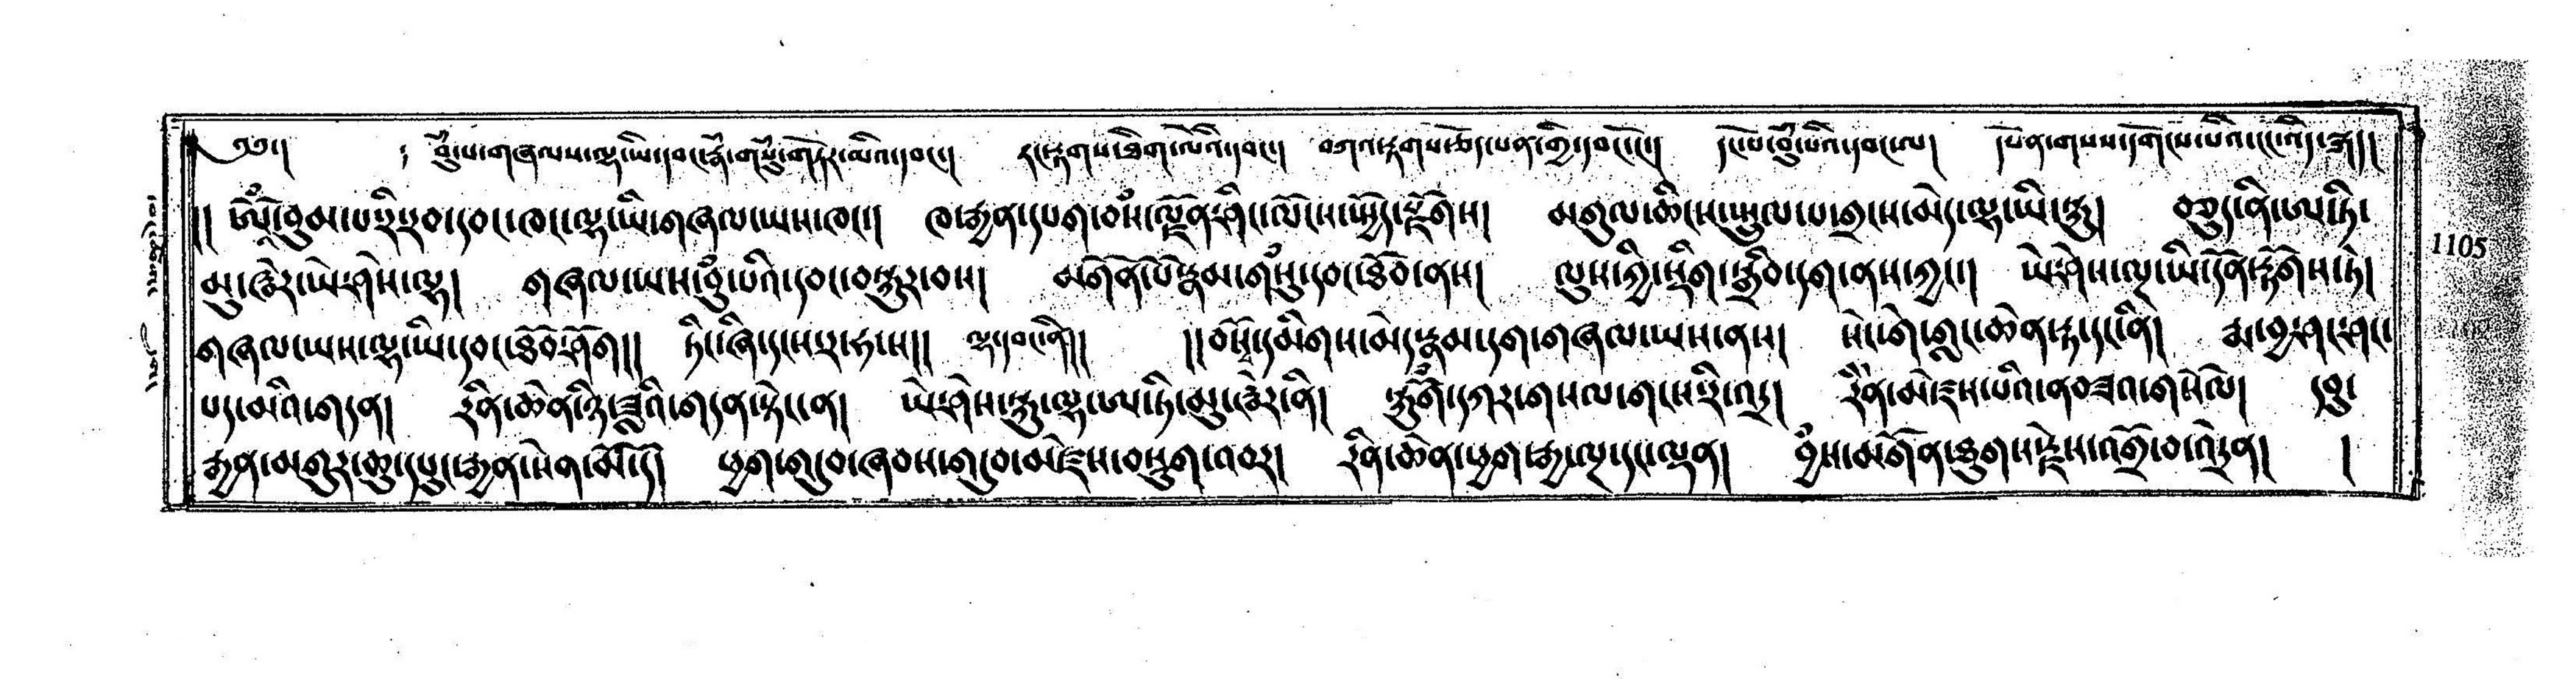བུམ་པ་གཞལ་ཡས་ལྷ་ཡི་དབང་རྣམ་གསུམ་གཏོར་མའི་དབང་། རང་རྟགས་ཐིག་ལེའི་དབང་། བཀའ་རྟགས་ཅོད་པན་གྱི་དབང་ངོ་། དང་པོ་བུམ་པའི་དབང་ལ། དཔོན་གསས་དགོངས་པའི་ངང་འདི་སྐད།།
།།ཨཱོཾ་བུམ་པ་རི་རབ་དབང་ཁང་ལྷ་ཡི་གཞལ་ཡས་ཁང་། ཁ་རྒྱན་དཔག་བསམ་ལྗོན་ཤིང་ལོངས་སྤྱོད་རྫོགས། མགུལ་ཆིངས་སྤྲུལ་པ་གྲངས་མེད་ལྷ་ཡི་སྐུ། བཅུད་ནི་ཨ་ཏི་
མུ་ཝེར་ཡེ་ཤེས་ལྷ། གཞལ་ཡས་བུམ་པའི་དབང་བསྐུར་བས། མགོན་པོ་རྣམ་གསུམ་གྱི་དབང་ཐོབ་ནས། ལུས་ཀྱི་སྡིག་སྒྲིབ་དག་ནས་ཀྱང་། ཡེ་ཤེས་ལྔ་ཡི་དོན་རྟོགས་ཏེ། 
གཞལ་ཡས་ལྷ་ཡི་དབང་ཐོབ་ཤོག ཏིང་ཞི་དངས་ར་ཧ་ས།། ལྷ་དབང་ནི། །།བསྭོ་དམིགས་མེད་རྣམ་དག་{1125}གཞལ་ཡས་ནས། སེང་གེ་གླང་ཆེན་རྟ་དང་ནི། རྨ་བྱ་ཤང་ཤང་
པད་མའི་གདན། རིན་ཆེན་ཉི་ཟླའི་གདན་སྟེང་ན། ཡེ་ཤེས་སྐུ་ལྷ་ཨ་ཏི་མུ་ཝེར་ནི། སྐུ་མདོག་དཀར་གསལ་གངས་རི་འདྲ། རིན་ཆེན་མཛེས་པའི་ན་བཟའ་གསོལ། དབུ་
རྒྱན་མགུར་ཆུ་དཔུང་རྒྱན་སེ་མོ་དོ། ཕྱག་གདུབ་ཞབས་གདུབ་མཛེས་སྡུག་འབར། རིན་ཆེན་ཕྱག་རྒྱ་ལྔ་དང་ལྡན། བྱམས་མགོན་ཐུགས་རྗེས་འགྲོ་བ་འདྲེན།